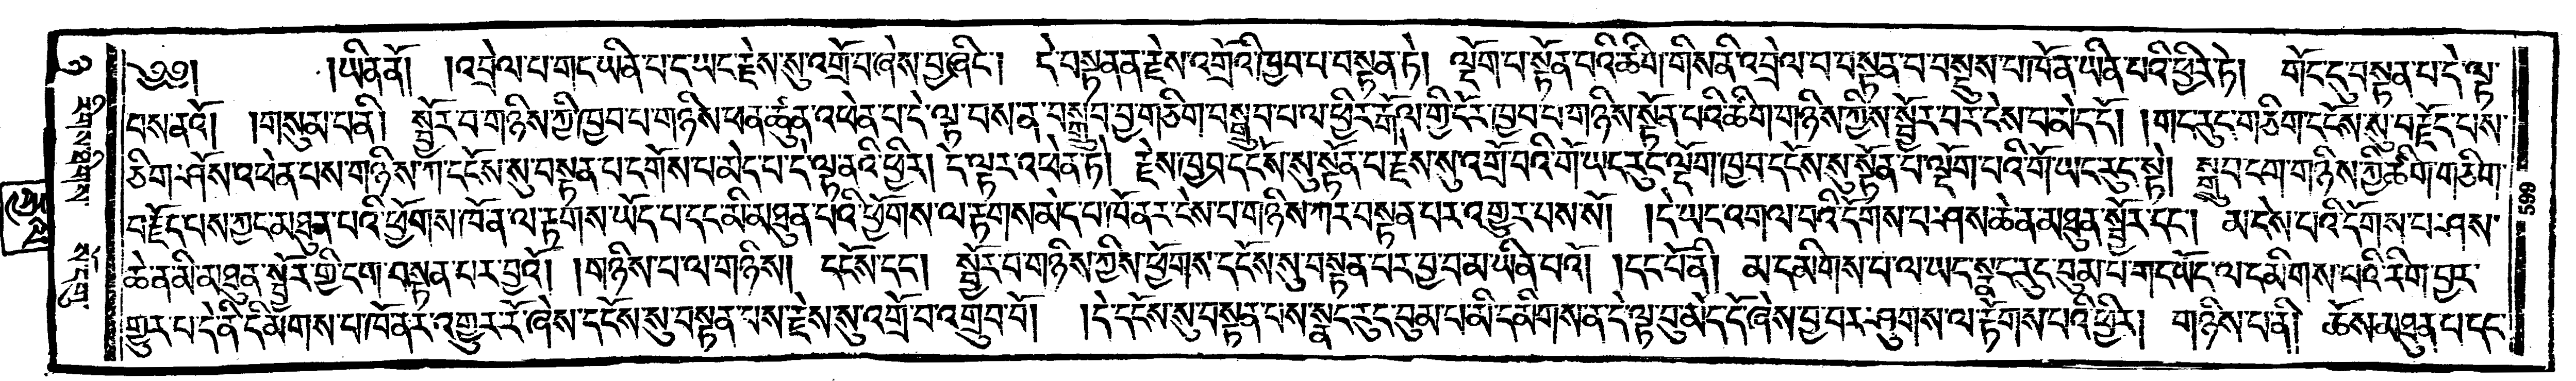༄༅། །ཡིན་ནོ། །འབྲེལ་པ་གང་ཡིན་པ་ད་ཡང་རྗེས་སུ་འགྲོ་བ་ཞེས་བྱ་ཞིང་། དེ་བསྟན་ན་རྗེས་འགྲོའི་ཁྱབ་པ་བསྟན་ཏེ། ལྡོག་པ་སྟོན་པའི་ཚིག་གིས་ནི་འབྲེལ་བ་བསྟན་པ་བསྡུས་པ་ཁོ་ན་ཡིན་པའི་ཕྱིར་ཏེ། གོང་དུ་བསྟན་པ་དེ་ལྟ་
པས་ནའོ། །གསུམ་པ་ནི། སྦྱོར་བ་གཉིས་ཀྱི་ཁྱབ་པ་གཉིས་ཕན་ཚུན་འཕེན་པ་དེ་ལྟ་བས་ན་བསྒྲུབ་བྱ་གཅིག་བསྒྲུབ་པ་ལ་ཕྱིར་རྒོལ་གྱི་དོར་ཁྱབ་པ་གཉིས་སྟོན་པའི་ཚིག་གཉིས་ཀྱིས་སྦྱོར་བར་ངེས་པ་མེད་དོ། །གང་རུང་གཅིག་དངོས་སུ་བརྗོད་པས་
ཅིག་ཤོས་འཕེན་པས་གཉིས་ཀ་དངོས་སུ་བསྟན་པ་དགོས་པ་མེད་པ་དེ་ལྟ་ནའི་ཕྱིར། དེ་ལྟར་འཕེན་ཏེ། རྗེས་ཁྱབ་དངོས་སུ་སྟོན་པ་རྗེས་སུ་འགྲོ་བའི་གོ་ཡང་རུང་ལྡོག་ཁྱབ་དངོས་སུ་སྟོན་པ་ལྡོག་པའི་གོ་ཡང་རུང་སྟེ། སྒྲུབ་དག་གཉིས་ཀྱི་ཚིག་གཅིག་
བརྗོད་པས་ཀྱང་མཐུན་པའི་ཕྱོགས་ཁོ་ན་ལ་རྟགས་ཡོད་པ་དང་མི་མཐུན་པའི་ཕྱོགས་ལ་རྟགས་མེད་པ་ཁོ་ནར་ངེས་པ་གཉིས་ཀར་བསྟན་པར་འགྱུར་པས་སོ། །དེ་ཡང་འགལ་བའི་དོགས་པ་ཤས་ཆེ་ན་མཐུན་སྦྱོར་དང་། མ་ངེས་པའི་དགོས་པ་ཤས་
ཆེ་ན་མི་མཐུན་སྦྱོར་གྱི་དག་བསྟན་པར་བྱའོ། །གཉིས་པ་ལ་གཉིས། དངོས་དང་། སྦྱོར་བ་གཉིས་ཀྱིས་ཕྱོགས་དངོས་སུ་བསྟན་པར་བྱ་བ་མ་ཡིན་པའོ། །དང་པོ་ནི། མ་དམིགས་པ་ལ་ཡང་སྣང་རུང་བུམ་པ་གང་ཡོད་ལ་དམིགས་པའི་རིག་བྱར་
གྱུར་པ་དེ་ནི་དམིགས་པ་ཁོ་ནར་འགྱུར་རོ་ཞེས་དངོས་སུ་བསྟན་པས་རྗེས་སུ་འགྲོ་བ་འགྲུབ་བོ། །དེ་དངོས་སུ་བསྟན་པས་སྣང་རུང་བུམ་པ་མི་དམིགས་ན་དེ་ལྟ་བུ་མེད་དོ་ཞེས་བྱ་བར་ཤུགས་ལ་རྟོགས་པའི་ཕྱིར། གཉིས་པ་ནི། ཆོས་མཐུན་པ་དང་